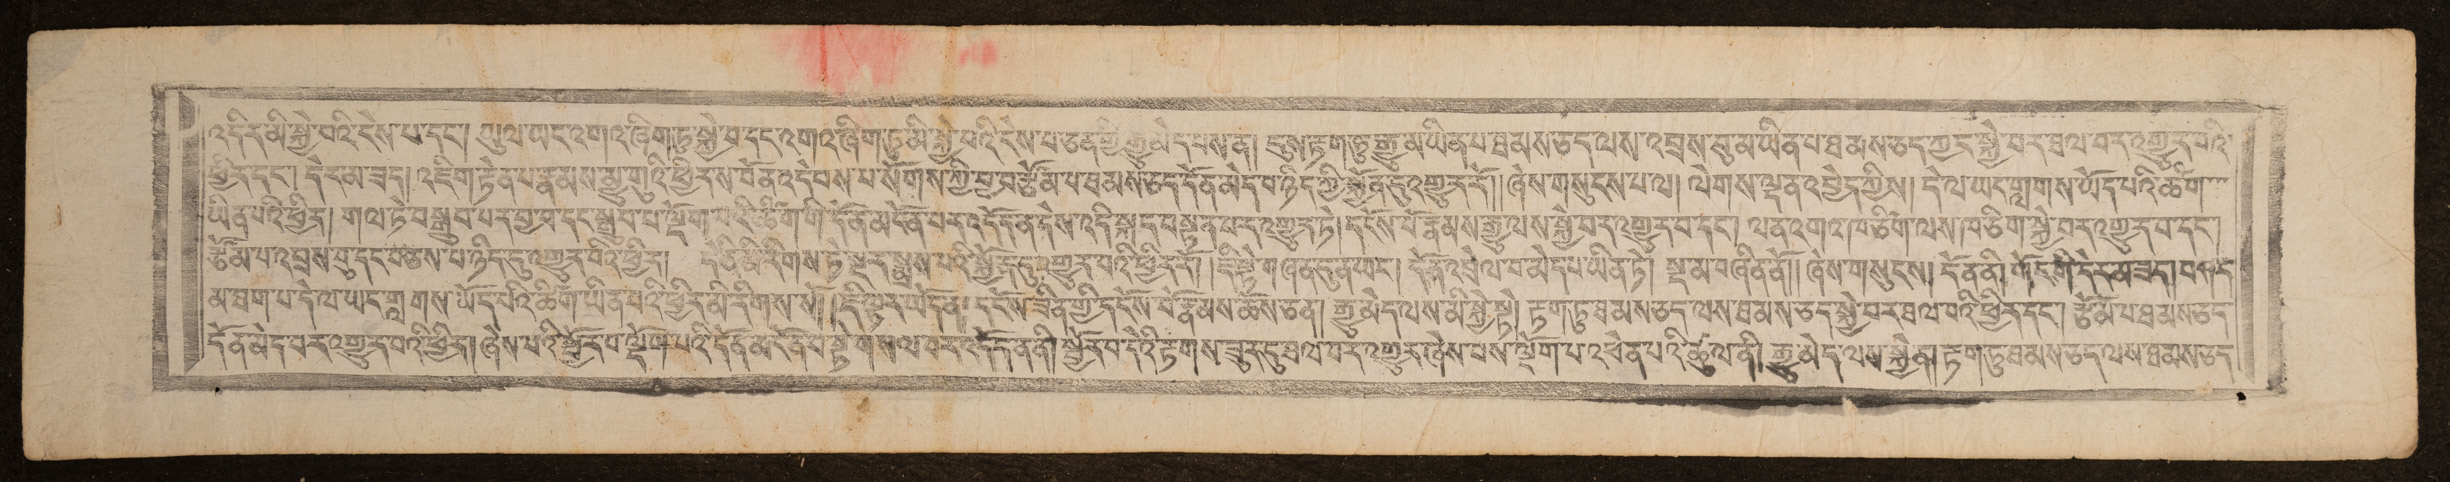འདིར་མི་སྐྱེ་བའི་ངེས་པ་དང་། ཡུལ་ཡང་འགའ་ཞིག་ཏུ་སྐྱེ་བ་དང་འགའ་ཞིག་ཏུ་མི་སྐྱེ་བའི་ངེས་པ་ཅན་གྱི་རྒྱུ་མེད་པས་ན། དུས་རྟག་ཏུ་རྒྱུ་མ་ཡིན་པ་ཐམས་ཅད་ལས་འབྲས་བུ་མ་ཡིན་པ་ཐམས་ཅད་ཀྱང་སྐྱེ་བར་ཐལ་བར་འགྱུར་བའི་
ཕྱིར་དང་། དེར་མ་ཟད། འཇིག་རྟེན་པ་རྣམས་མྱུ་གུའི་ཕྱིར་ས་བོན་འདེབས་པ་སོགས་ཀྱི་བྱ་བ་རྩོམ་པ་ཐམས་ཅད་དོན་མེད་པ་ཉིད་ཀྱི་སྐྱོན་དུ་འགྱུར་རོ། །ཞེས་གསུངས་པ་ལ། ལེགས་ལྡན་འབྱེད་ཀྱིས། དེ་ལ་ཡང་གླགས་ཡོད་པའི་ཚིག་
ཡིན་པའི་ཕྱིར། གལ་ཏེ་བསྒྲུབ་པར་བྱ་བ་དང་སྒྲུབ་པ་ལྡོག་པའི་ཚིག་གི་དོན་མངོན་པར་འདོད་ན་དེས་འདི་སྐད་བསྟན་པར་འགྱུར་ཏེ། དངོས་པོ་རྣམས་རྒྱུ་ལས་སྐྱེ་བར་འགྱུར་བ་དང་། ལན་འགའ་ཁ་ཅིག་ལས་ཁ་ཅིག་སྐྱེ་བར་འགྱུར་བ་དང་།
རྩོམ་པ་འབྲས་བུ་དང་བཅས་པ་ཉིད་དུ་འགྱུར་བའི་ཕྱིར། དེ་ནི་མི་རིགས་ཏེ་སྔར་སྨྲས་པའི་སྐྱོན་དུ་འགྱུར་བའི་ཕྱིར་རོ། །ཇི་སྟེ་གཞན་དུ་ན་ཡང་། དོན་འབྲེལ་བ་མེད་པ་ཡིན་ཏེ། སྔ་མ་བཞིན་ནོ། །ཞེས་གསུངས། དོན་ནི། གོང་གི་དེར་མ་ཟད། བཤད་
མ་ཐག་པ་དེ་ལ་ཡང་གླགས་ཡོད་པའི་ཚིག་ཡིན་པའི་ཕྱིར་མི་རིགས་སོ། །ཇི་ལྟར་ཡོད་ན། དངོས་ཟིན་གྱི་དངོས་པོ་རྣམས་ཆོས་ཅན། རྒྱུ་མེད་ལས་མི་སྐྱེ་སྟེ། རྟག་ཏུ་ཐམས་ཅད་ལས་ཐམས་ཅད་སྐྱེ་བར་ཐལ་བའི་ཕྱིར་དང་། རྩོམ་པ་ཐམས་ཅད་
དོན་མེད་པར་འགྱུར་བའི་ཕྱིར། ཞེས་པའི་སྦྱོར་བ་ལྡོག་པའི་དོན་མངོན་པ་སྟེ་གསལ་བར་འདོད་ན་ནི། སྦྱོར་བ་དེའི་རྟགས་ཟུར་དུ་ཐལ་བར་འགྱུར་ཞེས་པས་ལྡོག་པ་འཕེན་པའི་ཚུལ་ནི། རྒྱུ་མེད་ལས་སྐྱེ་ན། རྟག་ཏུ་ཐམས་ཅད་ལས་ཐམས་ཅད་